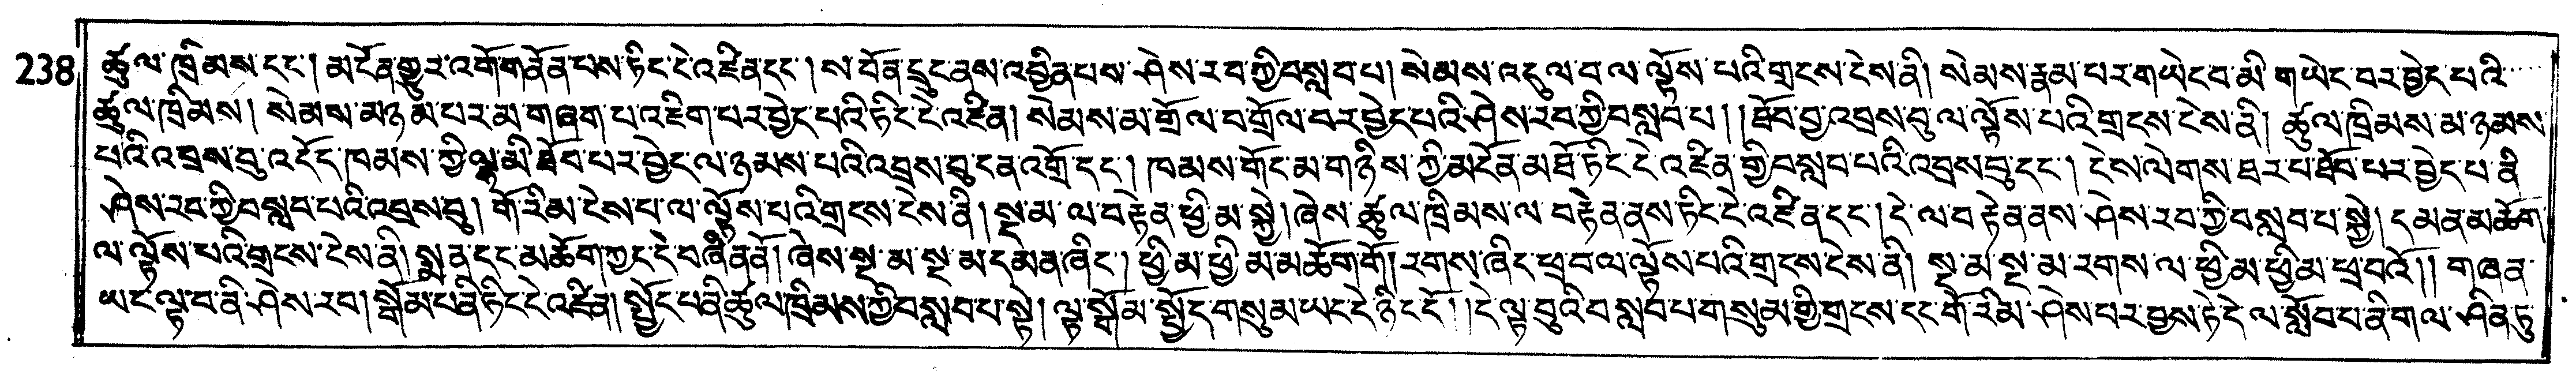ཚུལ་ཁྲིམས་དང་། མངོན་གྱུར་འགོ་གནོན་པས་ཏིང་ངེ་འཛིན་དང་། ས་བོན་དྲུང་ནས་འབྱིན་པས་ཤེས་རབ་ཀྱི་བསླབ་པ། སེམས་འདུལ་བ་ལ་ལྟོས་པའི་གྲངས་ངེས་ནི། སེམས་རྣམ་པར་གཡེང་བ་མི་གཡེང་བར་བྱེད་པའི་
ཚུལ་ཁྲིམས། སེམས་མཉམ་པར་མ་གཞག་པ་འཇིག་པར་བྱེད་པའི་ཏིང་ངེ་འཛིན། སེམས་མ་གྲོལ་བ་གྲོལ་བར་བྱེད་པའི་ཤེས་རབ་ཀྱི་བསླབ་པ། །ཐོབ་བྱ་འབྲས་བུ་ལ་ལྟོས་པའི་གྲངས་ངེས་ནི། ཚུལ་ཁྲིམས་མ་ཉམས་
པའི་འབྲས་བུ་འདོད་ཁམས་ཀྱི་ལྷ་མི་ཐོབ་པར་བྱེད་ལ་ཉམས་པའི་འབྲས་བུ་ངན་འགྲོ་དང་། ཁམས་གོང་མ་གཉིས་ཀྱི་མངོན་མཐོ་ཏིང་ངེ་འཛིན་གྱི་བསླབ་པའི་འབྲས་བུ་དང་། ངེས་ལེགས་ཐར་པ་ཐོབ་པར་བྱེད་པ་ནི་
ཤེས་རབ་ཀྱི་བསླབ་པའི་འབྲས་བུ། གོ་རིམ་ངེས་པ་ལ་ལྟོས་པའི་གྲངས་ངེས་ནི། སྔ་མ་ལ་བརྟེན་ཕྱི་མ་སྐྱེ། ཞེས་ཚུལ་ཁྲིམས་ལ་བརྟེན་ནས་ཏིང་ངེ་འཛིན་དང་། དེ་ལ་བརྟེན་ནས་ཤེས་རབ་ཀྱི་བསླབ་པ་སྐྱེ། དམན་མཆོག་
ལ་ལྟོས་པའི་གྲངས་ངེས་ནི། སྨན་དང་མཆོག་ཀྱང་དེ་བཞིན་ནོ། །ཞེས་སྔ་མ་སྔ་མ་དམན་ཞིང་། ཕྱི་མ་ཕྱི་མ་མཆོག་གོ། རགས་ཞིང་ཕྲ་བ་ལ་ལྟོས་པའི་གྲངས་ངེས་ནི། སྔ་མ་སྔ་མ་རགས་ལ་ཕྱི་མ་ཕྱི་མ་ཕྲ་བའོ། །གཞན་
ཡང་ལྟ་བ་ནི་ཤེས་རབ། སྒོམ་པ་ནི་ཏིང་ངེ་འཛིན། སྤྱོད་པ་ནི་ཚུལ་ཁྲིམས་ཀྱི་བསླབ་པ་སྟེ། ལྟ་སྒོམ་སྤྱོད་གསུམ་ཡང་དེ་ཉིད་དོ། །དེ་ལྟ་བུའི་བསླབ་པ་གསུམ་གྱི་གྲངས་དང་གོ་རིམ་ཤེས་པར་བྱས་ཏེ་དེ་ལ་སློབ་པ་ནི་གལ་ཤིན་ཏུ་